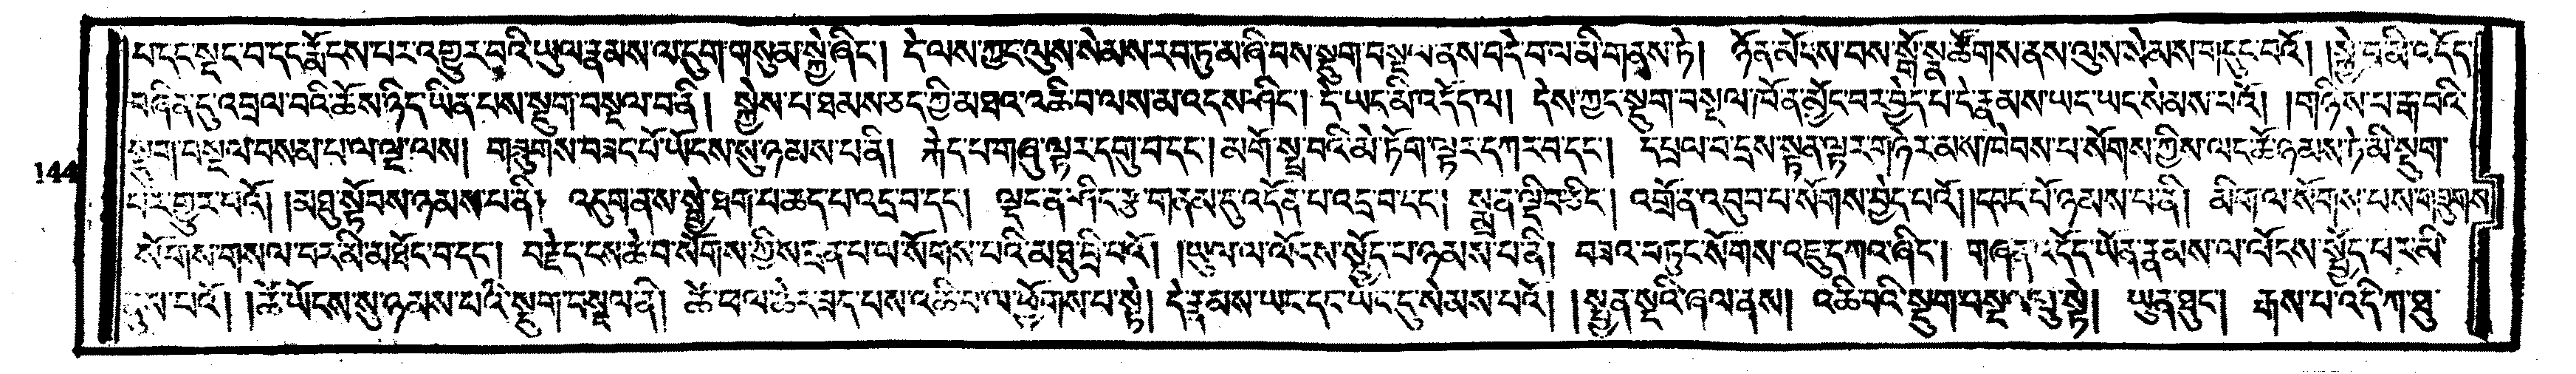པ་དང་སྡང་བ་དང་རྨོངས་པར་འགྱུར་བའི་ཡུལ་རྣམས་ལ་དུག་གསུམ་སྐྱེ་ཞིང་། དེ་ལས་ཀྱང་ལུས་སེམས་རབ་ཏུ་མ་ཞི་བས་སྡུག་བསྔལ་ནས་བདེ་བ་ལ་མི་གནས་ཏེ། ཉོན་མོངས་བས་སྒོ་སྣ་ཚོགས་ནས་ལུས་སེམས་གདུང་བའོ། །སྐྱེ་བ་མི་འདོད་
བཞིན་དུ་འབྲལ་བའི་ཆོས་ཉིད་ཡིན་པས་སྡུག་བསྔལ་བ་ནི། སྐྱེས་པ་ཐམས་ཅད་ཀྱི་མཐའ་འཆི་བ་ལས་མ་འདས་ཤིང་། དེ་ཡང་མི་འདོད་ལ། དེས་ཀྱང་སྡུག་བསྔལ་ཁོ་ན་མྱོང་བར་བྱེད་པ་དེ་རྣམས་ཡང་ཡང་སེམས་པའོ། །གཉིས་པ་རྒ་བའི་
སྡུག་བསྔལ་བསམ་པ་ལ་ལྔ་ལས། གཟུགས་བཟང་པོ་ཡོངས་སུ་ཉམས་པ་ནི། རྐེད་པ་གཞུ་ལྟར་དགུ་བ་དང་། མགོ་སྤྲ་བའི་མེ་ཏོག་ལྟར་དཀར་བ་དང་། དཔྲལ་བ་དྲས་སྟན་ལྟར་གཉེར་མས་ཁེབས་པ་སོགས་ཀྱིས་ལང་ཚོ་ཉམས་ཏེ་མི་སྡུག་
པར་གྱུར་པའོ། །མཐུ་སྟོབས་ཉམས་པ་ནི། འདུག་ནས་སྒྱེ་ཐག་པ་ཆད་པ་འདྲ་བ་དང་། ལྡན་ན་ཤིང་རྩ་གནམ་དུ་འདོན་པ་འདྲ་བ་དང་། སྨྲ་ན་ལྡིབ་ཅིང་། འགྲོ་ན་འབུབ་པ་སོགས་བྱེད་པའོ། །དབང་པོ་ཉམས་པ་ནི། མིག་ལ་སོགས་པས་གཟུགས་
སོགས་གསལ་བར་མི་མཐོང་བ་དང་། བརྗེད་ངས་ཆེ་བ་སོགས་ཀྱིས་དྲན་པ་ལ་སོགས་པའི་མཐུ་བྲི་བའོ། །ཡུལ་ལ་ལོངས་སྤྱོད་པ་ཉམས་པ་ནི། བཟའ་བཏུང་སོགས་འཇུ་དཀའ་ཞིང་། གཞན་འདོད་ཡོན་རྣམས་ལ་ལོངས་སྤྱོད་པར་མི་
ནུས་པའོ། །ཆོ་ཡོངས་སུ་ཉམས་པའི་སྡུག་བསྔལ་ནི། ཚེ་ཕལ་ཆེར་ཟད་པས་འཆི་པ་ལ་ཕྱོགས་པ་སྟེ། དེ་རྣམས་ཡང་དང་ཡང་དུ་སེམས་པའོ། །སྤྱན་སྔའི་ཞལ་ནས། འཆི་བའི་སྡུག་བསྔལ་ཐུ་སྟེ། ཡུན་ཐུང་། རྒས་པ་འདི་ཀ་ཐུ་